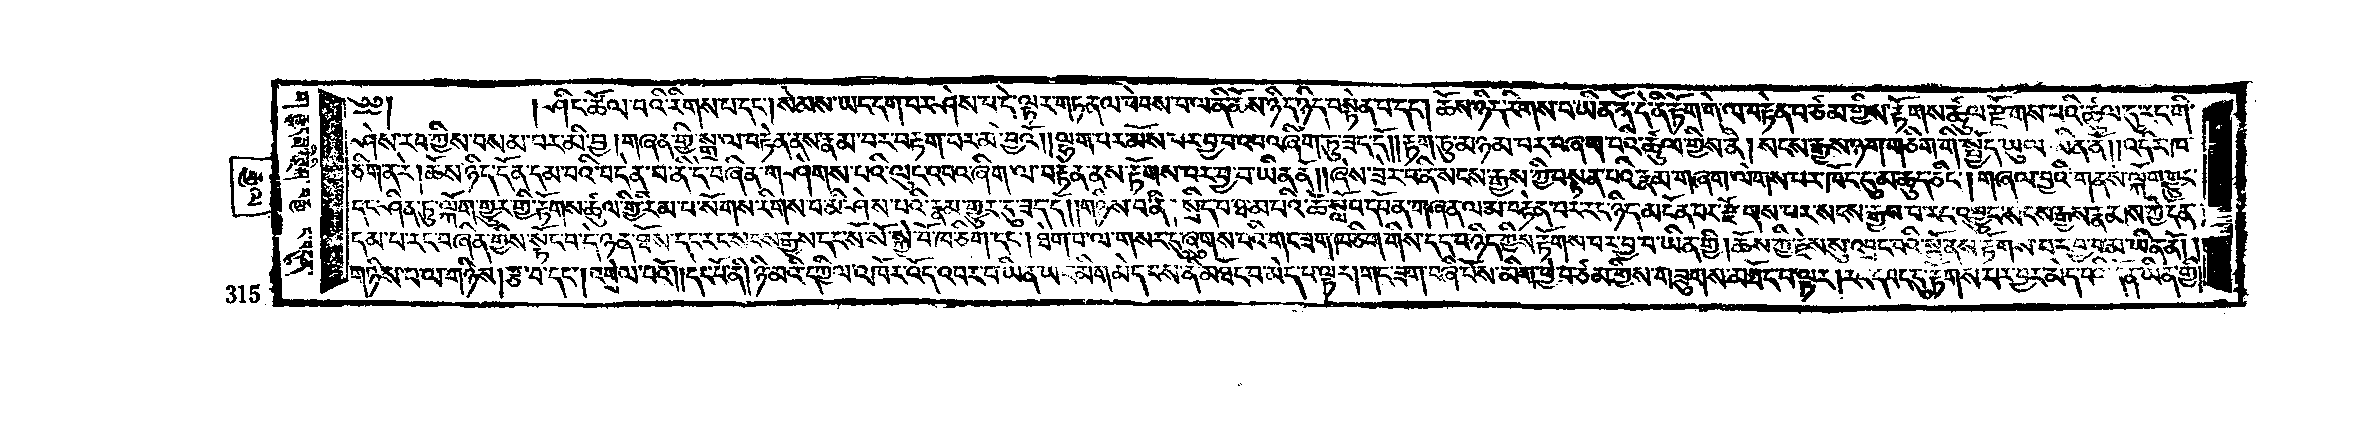༄༅། །ཤིང་ཚོལ་བའི་རིགས་པ་དང་། སེམས་ཡང་དག་པར་ཤེས་པ་དེ་ལྟར་གཏན་ལ་ཕེབས་པ་ལ་ནི་ཆོས་ཉིད་ཉིད་བསྟེན་པ་དང་། ཆོས་ཉིད་རིགས་པ་ཡིན་ནོ་དེ་ནི་རྟོག་གེ་ལ་བརྟེན་པ་ཙམ་གྱིས་རྟོགས་ཚུལ་རྫོགས་པའི་ཚུལ་དུ་རང་གི་
ཤེས་རབ་ཀྱིས་བསམ་པར་མི་བྱ། གཞན་གྱི་སྒྲ་ལ་བརྟེན་ནས་རྣམ་པར་བརྟག་པར་མི་བྱའོ། །ལྷག་པར་མོས་པར་བྱ་བ་འབའ་ཞིག་ཏུ་ཟད་དོ། །རྟག་ཏུ་མཉམ་པར་བཞག་པའི་ཚུལ་གྱིས་ནི། སངས་རྒྱས་ཉག་གཅིག་གི་སྤྱོད་ཡུལ་ཡིན་ནོ། །འདིར་ཁ་
ཅིག་ན་རེ། ཆོས་ཉིད་དོན་དམ་པའི་བདེན་པ་ནི་དེ་བཞིན་གཤེགས་པའི་ལུང་འབའ་ཞིག་ལ་བརྟེན་ནས་རྟོགས་པར་བྱ་བ་ཡིན་ནོ། །ཞེས་ཟེར་བ་ནི་སངས་རྒྱས་ཀྱི་བསྟན་པའི་རྣམ་གཞག་ལེགས་པར་ཁོང་དུ་མ་ཆུད་ཅིང་། གཞལ་བྱའི་གནས་ལྐོག་གྱུར་
དང་ཤིན་ཏུ་ལྐོག་གྱུར་གྱི་རྟོགས་ཚུལ་གྱི་རིམ་པ་སོགས་རིགས་པ་མི་ཤེས་པའི་རྣམ་གྱུར་དུ་ཟད་དོ། །གཉིས་པ་ནི། སྲིད་པ་ཐ་མ་པའི་ཚེ་སློབ་དཔོན་གཞན་ལ་མ་བརྟེན་པར་རང་ཉིད་མངོན་པར་རྫོགས་པར་སངས་རྒྱས་པ་རང་འབྱུང་སངས་རྒྱས་རྣམས་ཀྱི་དོན་
དམ་པ་རང་བཞིན་གྱིས་སྟོང་པ་དེ་ཉན་ཐོས་དང་རང་སངས་རྒྱས་དང་སོ་སོ་སྐྱེ་བོ་ཁ་ཅིག་དང་། ཐེག་པ་ལ་གསར་དུ་ཞུགས་པའི་གང་ཟག་ཁ་ཅིག་གིས་དད་པ་ཉིད་ཀྱིས་རྟོགས་པར་བྱ་བ་ཡིན་གྱི་།ཆོས་ཀྱི་རྗེས་སུ་འབྲང་བའི་སྒོ་ནས་རྟོགས་པར་བྱ་བ་མ་ཡིན་ནོ། །
གཉིས་པ་ལ་གཉིས། རྩ་བ་དང་། འགྲེལ་པའོ། །དང་པོ་ནི། ཉི་མའི་དཀྱིལ་འཁོར་འོད་འབར་བ་ཡིན་ཡང་མིག་མེད་པས་ནི་མཐོང་བ་མེད་པ་ལྟར། གང་ཟག་བཞི་པོས་མིག་ཕྱེ་བ་ཙམ་གྱིས་གཟུགས་མཐོང་བ་ལྟར། རང་དབང་དུ་རྟོགས་པར་བྱར་མེད་པའི་དོན་ཡིན་གྱི།